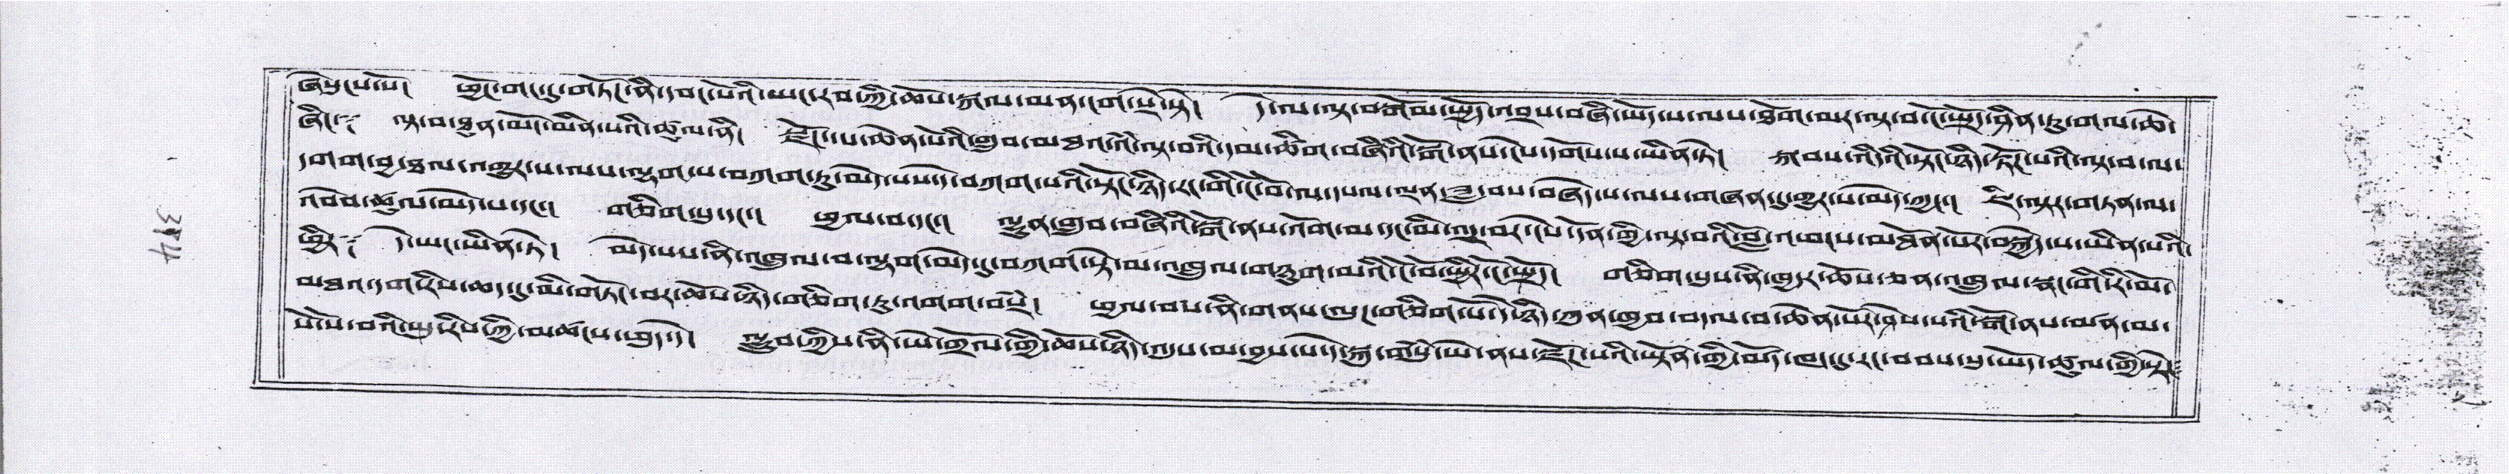ཞེས་གསུངས་སོ། ཕྱོགས་གང་དུ་གཏོགས་ནི་དབང་པོའི་ཡང་རབ་ཀྱི་ཆོས་སྐལ་མན་ངག་སྡེ་སྟེ། དེ་ལ་ལྟ་བསྒོམ་སྤྱོད་འབྲས་བཞི་ཡོད་པ་ལས་ཐོག་མར་ལྟ་བ་ངོ་སྤྲོད་ཤིན་ཏུ་གལ་ཆེ་
ཞིང། ལྟ་བ་ཐུན་མོང་མིན་པའི་ཚུལ་ནི། རྫོགས་པ་ཆེན་པོའི་གྲུབ་མཐའ་འམ་ལྟ་བའི་དམ་ཚིག་བཞིའི་སྒོ་ནས་ངེས་དགོས་པ་ཡིན་ཏེ། སྐབས་འདིའི་སྟོང་ཉིད་རྟོགས་པའི་ལྟ་བ་ལ་
དགག་བྱ་ཐལ་འགྱུར་པ་ལས་ལྷག་པ་བཀག་ཏུ་མེད་པས་དེ་བཀག་པའི་སྟོང་ཉིད་རང་གི་ངོ་བོ་ལ་དཔལ་ལྡན་ཟླ་བས་བཞེད་པ་ལས་གཞུན་དུ་གྱུར་པ་མེད་ཀྱང། ཇི་ལྟར་གཏན་ལ་
འབེབ་ཚུལ་མེད་པ་དང། གཅིག་པུ་དང། ཕྱལ་བ་དང། ལྷུན་གྲུབ་བཞིའི་སྒོ་ནས་འོག་མ་དང་མི་འདྲ་བར་ངེས་དོན་གྱི་ལྟ་བའི་བློ་འཕངས་མཐོན་པོར་བསྐྱེད་པ་ཡིན་པའི་
ཕྱིར། དེ་ཡང་ཡིན་ཏེ། མེད་པས་ནི་འཁྲུལ་བ་ལྷག་མེད་དུ་བཀག་སྟེ་མ་འཁྲུལ་གཉུག་མའི་ངོ་བོ་སྤྱིར་ངོ་སྤྲོད། གཅིག་པུས་ནི་ཁྱད་པར་ཆོས་ཅན་འཁྲུལ་སྣང་གི་རི་མོ་
མཐའ་དག་རིས་ཆད་དུ་མི་གཏོང་བར་ཆོས་ཉིད་གཅིག་ཏུ་འགག་བསྡམ། ཕྱལ་བས་ནི་གནས་ལུགས་གཅིག་པོ་དེ་ཉིད་ཀུན་ཁྱབ་བདལ་བ་ཆེན་པོར་ཤེས་པའི་སྒོ་ནས་མཚན་མ་
སོ་སོ་བའི་སྤུ་རིས་ཀྱི་མཚངས་ཕུད་དེ། ལྷུན་གྲུབ་ཀྱིས་ནི་ཡེ་གྲོལ་གྱི་ཆོས་ཉིད་འདུས་མ་བྱས་པ་དེ་སྐུ་གསུམ་ཡེ་ནས་རྫོགས་པའི་ཡོན་ཏན་གྱི་མཛོད་ཁང་དུ་རང་བབས་སུ་ཡོད་ཚུལ་གྱི་སྟེང་